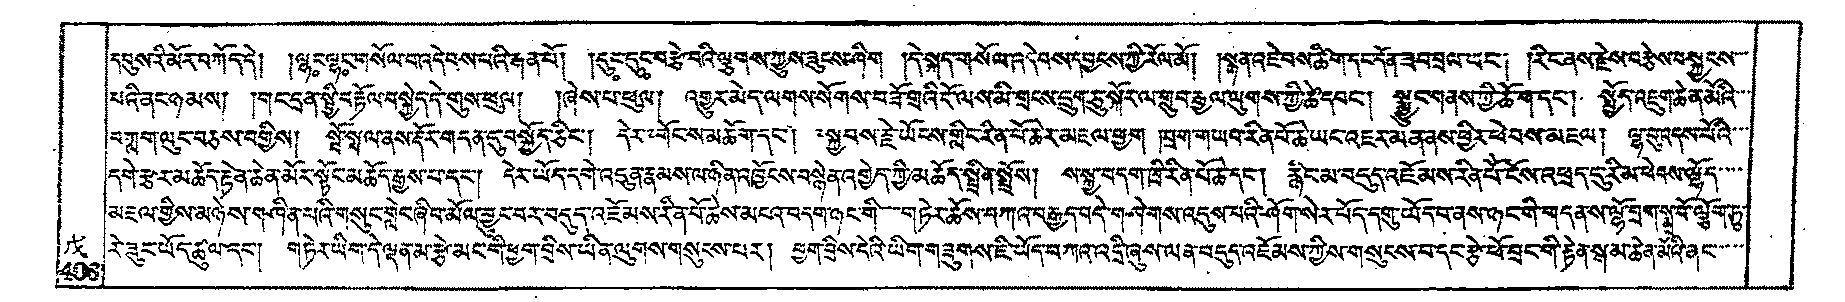དབུས་རི་མོར་བཀོད་དེ། །ལྷང་ལྷང་གསོལ་བ་འདེབས་པའི་རྒན་པོ། །དུང་དུང་བརྩེ་བའི་ལྕགས་ཀྱུས་ཟུངས་ཤིག །དེ་སྐད་གསོལ་འདེབས་དབྱངས་ཀྱི་རོལ་མོ། །སྙན་འཇེབས་ཚིག་དང་དོན་ཟབ་བྲལ་ཡང་། །རིང་ནས་རྗེས་བརྩེས་བསྐྱངས་
པའི་ནང་ཉམས། །གང་དྲན་སྤྱི་བརྟོལ་བསྐྱེད་དེ་གུས་ཕུལ། །ཞེས་པ་ཕུལ། འགྱུར་མེད་ལགས་སོགས་བཟོ་གྲའི་ངོ་ལས་མི་གྲངས་དྲུག་ཅུ་སྐོར་ལ་གྲུབ་རྒྱལ་ལུགས་ཀྱི་ཚེ་དབང་། །སྨྱུང་གནས་ཀྱི་ཆོ་ག་དང་། སྤྱོད་འཇུག་ཆེན་མོའི་
བཀླག་ལུང་བཅས་བགྱིས། སྦོ་སྤལ་ནས་རྡོར་གདན་དུ་བསྐྱོད་ཅིང་། དེར་༧གོང་ས་མཆོག་དང་། ༧སྐྱབས་རྗེ་ཡོངས་གླིང་རིན་པོ་ཆེར་མཇལ་ཕྱག །བྲག་གཡབ་རིན་པོ་ཆེ་ཡང་འཇར་མན་ནས་ཕྱིར་ཕེབས་མཇལ། ལྷ་བུ་འདས་པོའི་
དགེ་རྩར་མཆོད་རྟེན་ཆེན་མོར་སྟོང་མཆོད་རྒྱས་པ་དང་། དེར་ཡོད་དགེ་འདུན་རྣམས་ལ་ཉིན་འཁྱོངས་བསྙེན་འགྱེད་ཀྱི་མཆོད་སྤྲིན་སྤྲོས། ས་སྐྱ་བདག་ཁྲི་རིན་པོ་ཆེ་དང་། རྙིང་མ་བདུད་འཇོམས་རིན་པོ་ངོས་འཕྲད་དུ་རིམ་ཕེབས་ལྷོད་
མཇལ་གྱིས་མཉེས་གཤིན་པའི་གསུང་གླེང་ཞིབ་མོལ་བྱུང་བར་བདུད་འཇོམས་རིན་པོ་ཆེས་མངའ་བདག་ཉང་གི་གཏེར་ཆོས་བཀའ་བརྒྱད་བདེ་གཤེགས་འདུས་པའི་ཤོག་སེར་པོད་དགུ་ཡོད་པ་ནས་ཉང་གི་གདན་ས་ལྷོ་བྲག་སྨྲ་བོ་ལྕོག་ཏུ་
རེ་ཟུང་ཡོད་ཚུལ་དང་། གཏེར་ཡིག་དེ་ལྡན་མ་རྩེ་མང་གི་ཕྱག་བྲིས་ཡིན་ལུགས་གསུངས་པར། ཕྱག་བྲིས་དེའི་ཡིག་གཟུགས་ཇི་ཡོད་བཀའ་འདྲི་ཞུས་ལན་བདུད་འཇོམས་ཀྱིས་གསུངས་པ་དང་རྩེ་ཕོ་བྲང་གི་རྟེན་སྒམ་ཆེན་མོའི་ནང་